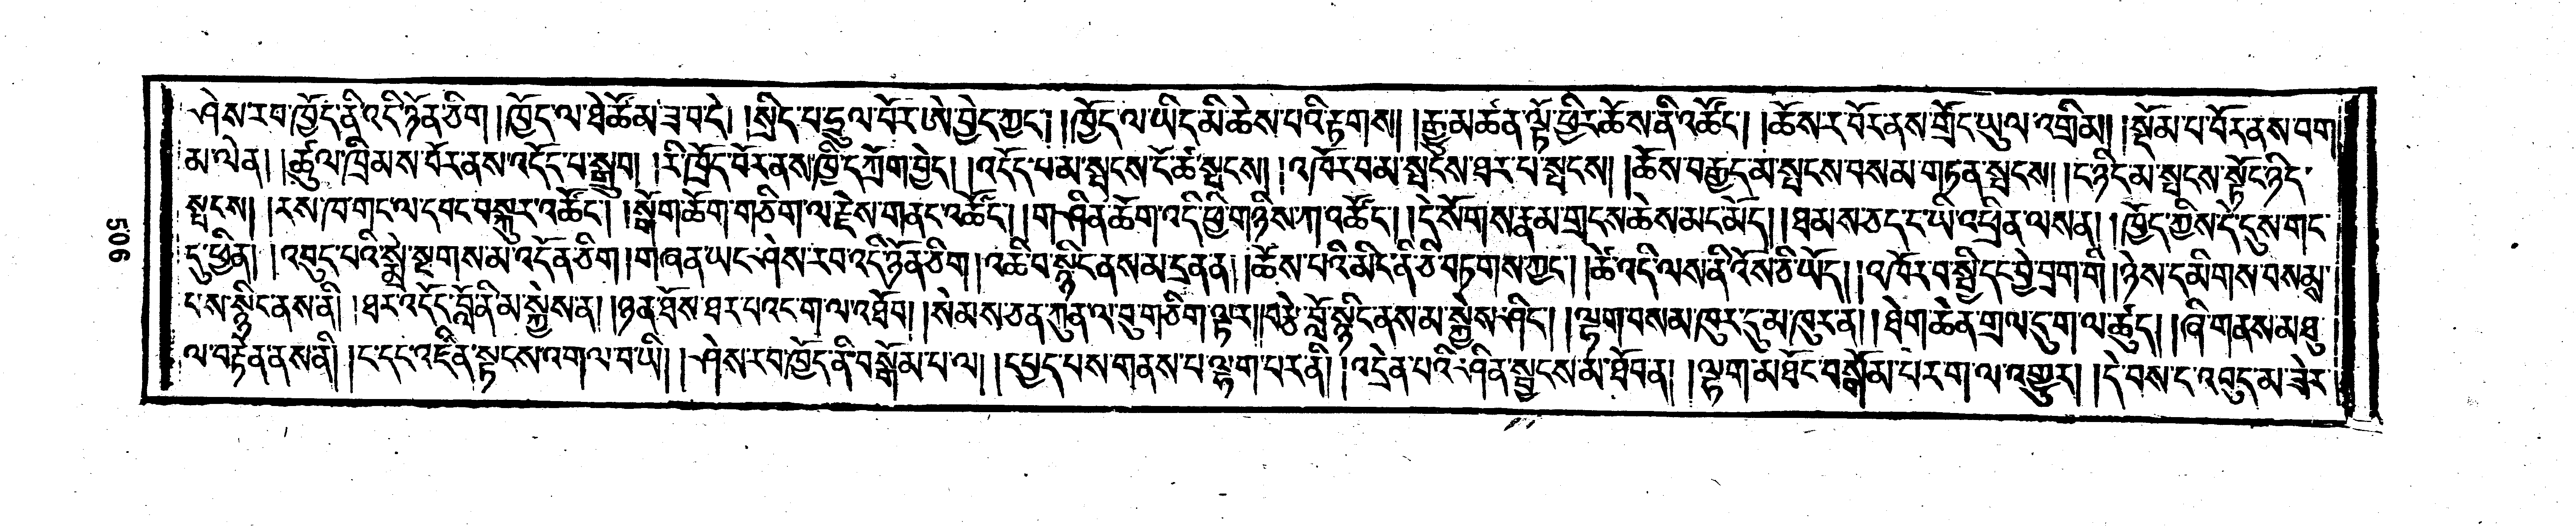ཤེས་རབ་ཁྱོད་ནི་འདི་ཉོན་ཅིག །ཁྱོད་ལ་ཐེ་ཚོམ་ཟ་བ་དེ། །སྲིད་པ་ཧྲུལ་བོར་ཨེ་བྱེད་ཀྱང་། །ཁྱོད་ལ་ཡིད་མི་ཆེས་པའི་རྟགས། །རྒྱུ་མཚན་ལྟོ་ཕྱིར་ཆོས་ནི་འཚོང་། །ཆོས་ར་བོར་ནས་གྲོང་ཡུལ་འགྲིམ། །སྡོམ་པ་བོར་ནས་བག་
མ་ལེན། །ཚུལ་ཁྲིམས་བོར་ནས་འདོད་པ་སྒྲུབ། །རི་ཁྲོད་བོར་ནས་ཁྱི་དཀྲོག་བྱེད། །འདོད་པ་མ་སྤངས་ངོ་ཚ་སྤངས། །འཁོར་བ་མ་སྤངས་ཐར་པ་སྤངས། །ཆོས་བརྒྱད་མ་སྤངས་བསམ་གཏན་སྤངས། །ང་ཉིད་མ་སྤངས་སྟོང་ཉིད་
སྤངས། །རས་ཁ་གང་ལ་དབང་བསྐུར་འཚོང་། །སྒོག་ཆོག་གཅིག་ལ་རྗེས་གནང་འཚོང་། །གཤིན་ཆོག་འདི་ཕྱི་གཉིས་ཀ་འཚོང་། །དེ་སོགས་རྣམ་གྲངས་ཆེས་མང་མོད། །ཐམས་ཅད་ང་ཡི་འཕྲིན་ལས་ན། །ཁྱོད་ཀྱིས་དེ་དུས་གང་
དུ་ཕྱིན། །འབུད་པའི་སྨྲ་སྔགས་མ་འདོན་ཅིག །གཞན་ཡང་ཤེས་རབ་འདི་ཉོན་ཅིག །འཆི་བ་སྙིང་ནས་མ་དྲན་ན། །ཆོས་པའི་མིང་ནི་ཅི་བཏགས་ཀྱང་། །ཚེ་འདི་ལས་ནི་འོས་ཅི་ཡོད། །འཁོར་བ་སྤྱི་དང་བྱེ་བྲག་གི །ཉེས་དམིགས་བསམས་
པས་སྙིང་ནས་ནི། །ཐར་འདོད་བློ་ནི་མ་སྐྱེས་ན། །ཉན་ཐོས་ཐར་པའང་ག་ལ་འཐོབ། །སེམས་ཅན་ཀུན་ལ་བུ་གཅིག་ལྟར། །བརྩེ་བློ་སྙིང་ནས་མ་སྐྱེས་ཤིང་། །ལྷག་བསམ་ཁུར་དུ་མ་ཁུར་ན། །ཐེག་ཆེན་གྲལ་དུ་ག་ལ་ཚུད། །ཞི་གནས་མཐུ་
ལ་བརྟེན་ནས་ནི། །ང་དང་འཛིན་སྟངས་འགལ་བ་ཡི། །ཤེས་རབ་ཁྱོད་ནི་བསྒོམ་པ་ལ། །དཔྱད་པས་གནས་པ་ལྷག་པར་ནི། །འདྲེན་པའི་ཤིང་སྦྱངས་མ་ཐོབ་ན། །ལྷག་མཐོང་བསྒོམ་པར་ག་ལ་འགྱུར། །དེ་བས་ང་འབུད་མ་ཟེར་